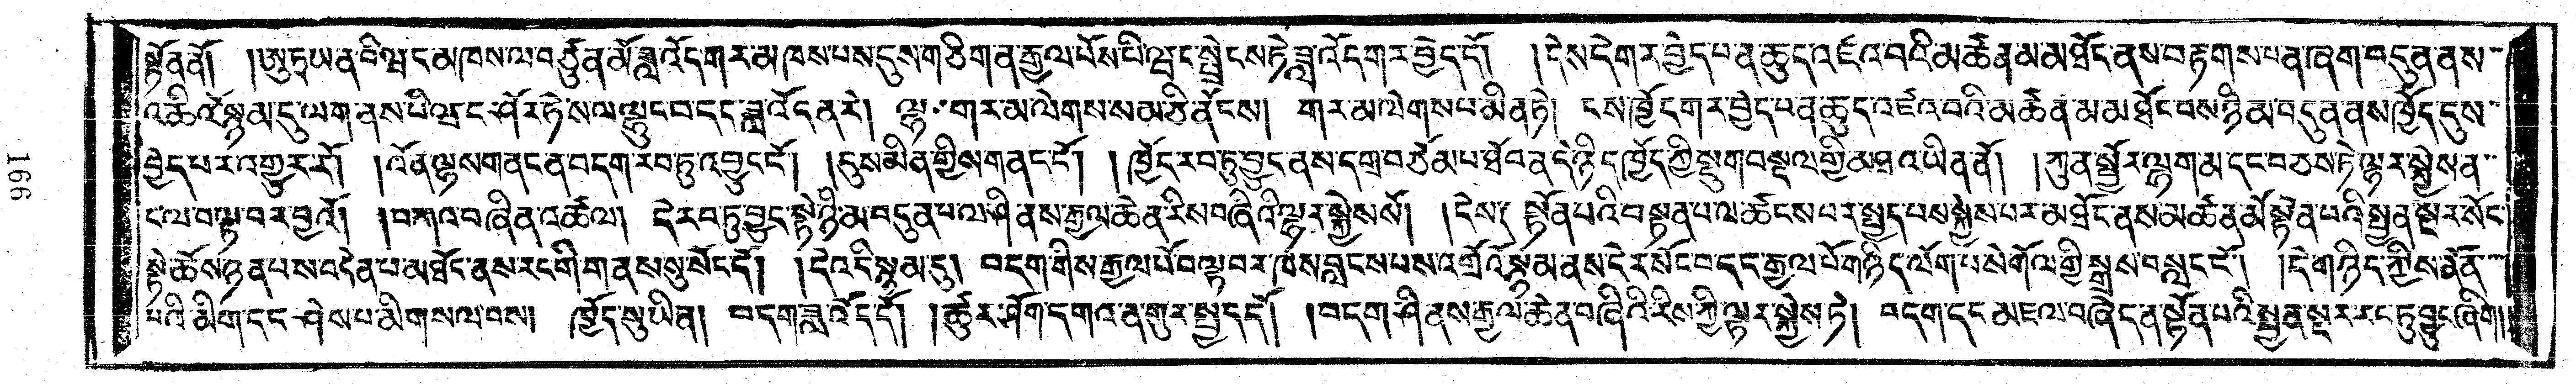སྟོན་ནོ། །ཨུཏྲ་ཡ་ན་བི་ཝང་མཁས་ལ་བཙུན་མོ་ཟླ་འོད་གར་མཁས་པས་དུས་གཅིག་ན་རྒྱལ་པོས་པི་ཝང་སྤྲེངས་ཏེ་ཟླ་འོད་གར་བྱེད་དོ། །དེས་དེ་གར་བྱེད་པ་ན་ཆུད་འཛའ་བའི་མཚན་མ་མཐོང་ནས་བརྟགས་པ་ན་ཞག་བདུན་ནས་
འཆིའོ་སྙམ་དུ་ལག་ནས་པི་ཝང་ཤོར་ཏེ་ས་ལ་ལྷུང་བ་དང་ཟླ་འོད་ན་རེ། ལྷ་གར་མ་ལེགས་སམ་ཅི་ནོངས། གར་མ་ལེགས་པ་མིན་ཏེ། ངས་ཁྱོད་གར་བྱེད་པ་ན་ཆུད་འཛའ་བའི་མཚན་མ་མཐོང་བས་ཉི་མ་བདུན་ནས་ཁྱོད་དུས་
བྱེད་པར་འགྱུར་རོ། །འོན་ལྷས་གནང་ན་བདག་རབ་ཏུ་འབྱུང་ངོ། །དུས་མིན་གྱིས་གནང་ངོ། །ཁྱོད་རབ་ཏུ་བྱུང་ནས་དགྲ་བཅོམ་པ་ཐོབ་ན་དེ་ཉིད་ཁྱོད་ཀྱི་སྡུག་བསྔལ་གྱི་མཐའ་ཡིན་ནོ། །ཀུན་སྦྱོར་ལྷག་མ་དང་བཅས་ཏེ་ལྷར་སྐྱེས་ན་
ང་ལ་བལྟ་བར་བྱའོ། །བཀའ་བཞིན་འཚལ། དེ་རབ་ཏུ་བྱུང་སྟེ་ཉི་མ་བདུན་པ་ལ་ཤི་ནས་རྒྱལ་ཆེན་རིས་བཞིའི་ལྷར་སྐྱེས་སོ། །དེས༑ སྟོན་པའི་བསྟན་པ་ལ་ཚངས་པར་སྤྱད་པས་སྐྱེས་པར་མཐོང་ནས་མཚན་མོ་སྟོན་པའི་སྤྱན་སྔར་སོང་
སྟེ་ཆོས་ཉན་པས་བདེན་པ་མཐོང་ནས་རང་གི་གནས་སུ་སོང་ངོ། །དེ་འདི་སྙམ་དུ། བདག་གིས་རྒྱལ་པོ་བལྟ་བར་ཁས་བླངས་པས་འགྲོའོ་སྙམ་ནས་དེར་སོང་བ་དང་རྒྱལ་པོ་གཉིད་ལོག་པ་སེ་གོལ་གྱི་སྒྲས་བསླང་ངོ། །དེ་གཉིད་ཀྱིས་ནོན་
པའི་མིག་དང་ཤེས་པ་མི་གསལ་བས། ཁྱོད་སུ་ཡིན། བདག་ཟླ་འོད་དོ། །ཚུར་ཤོག་དགའ་ན་གུར་སྤྱད་དོ། །བདག་ཤི་ནས་རྒྱལ་ཆེན་བཞིའི་རིས་ཀྱི་ལྟར་སྐྱེས་ཏེ། བདག་དང་མཇལ་བཞེད་ན་སྟོན་པའི་སྤྱན་སྔར་རབ་ཏུ་བྱུང་ཞིག།།